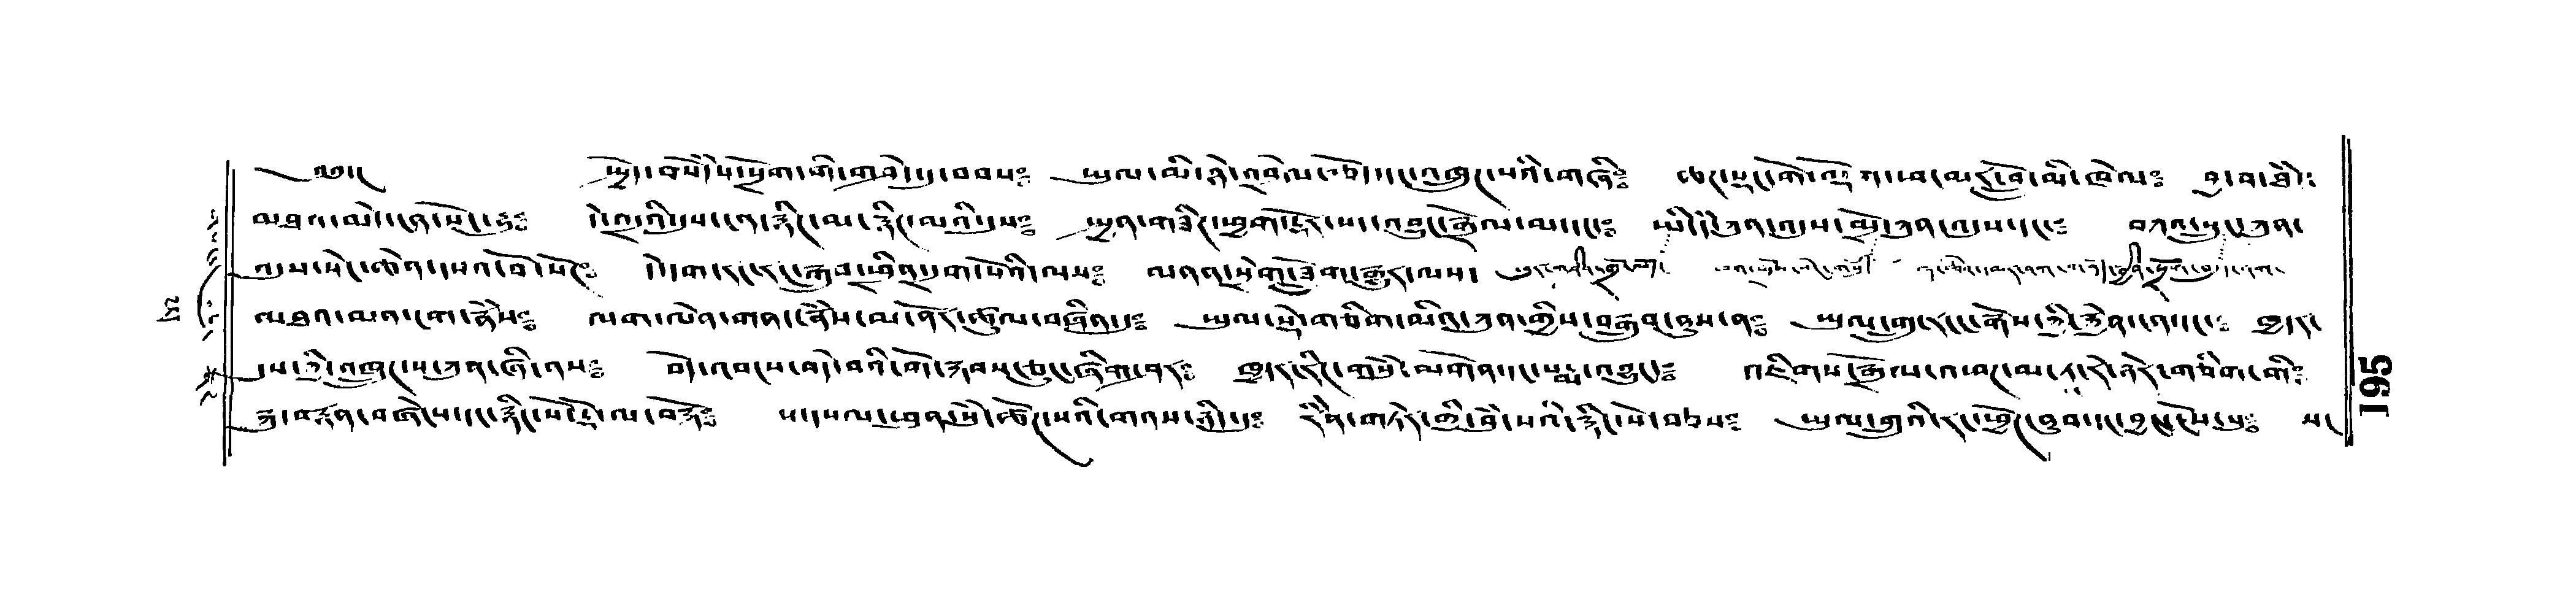སྤྱོད་བསོད་ནམས་སྲོག་གི་གཤེད་དུ་བབས༔ ཡུལ་མི་ཉེ་འབྲེལ་རྩོད་དང་འཁྲུགས་པའི་གཞི༔ ཆགས་སྡང་གོ་ལྡོག་ཕ་མར་བློ་མི་ཁེལ༔ བྱ་བ་ཐམས་ཅད་
མཐའ་མེད་ངན་སོང་རྒྱུ༔ དེ་འདྲའི་དུས་ངན་སྙིགས་མ་སྙིགས་མའི་དུས༔ སྤྱན་གཟིགས་ཕྱག་རྡོར་པད་འབྱུང་སྒྲོལ་མ་དང༔ ཡི་དམ་ཀུན་འདུས་མཁའ་འགྲོ་ཀུན་འདུས་དང༔ བཀའ་སྲུང་ཀུན་
འདུས་སེང་ཆེན་དཔའ་བོ་སོགས༔ དེ་དག་རང་རང་སྒྲུབ་ཕྲིན་དྲག་པོའི་ལས༔ མནན་སྲེག་ཟློག་སྒྱུར་ལས་
མཐའ་མན་ངག་རྣམས༔ལག་ལེན་གནད་རྣམས་མ་ནོར་ཚུལ་བཞིན་དུ༔ ཡུལ་སྡེ་གཅིག་མིན་ཀུན་གྱིས་བསྒྲུབ་ནུས་ན༔ ཡུལ་གྲུ་རང་རང་སྒོས་ཀྱི་རྐྱེན་ངན་དང༔ ཁྱད་པར་
དུས་ཀྱི་འཁྲུགས་པ་ཀུན་ཞི་ནས༔ བོད་འབངས་བདེ་བའི་གོ་སྐབས་ཅུང་ཞིག་ཤར༔ ཁྱད་པར་རིགས་གསུམ་མགོན་དང་པདྨ་འབྱུང༔ འཇིགས་སྒྲོལ་འཕགས་མ་ཏཱ་རེ་ཉེར་གཅིག་གི༔ 
སྐུ་བརྙན་བཞེངས་དང་སྙིང་པོ་རྡོ་ལ་བསྐོ༔ ས་དཔལ་ཕུན་སུམ་ཚོགས་པའི་གནས་ཉིད་དུ༔ རིན་ཆེན་གཏེར་གྱི་བུམ་པའི་སྙིང་པོ་བཅས༔ ཡུལ་གྲུའི་རང་ཕྱོགས་ནུབ་དང་བྱང་ངོས་སུ༔ ས་